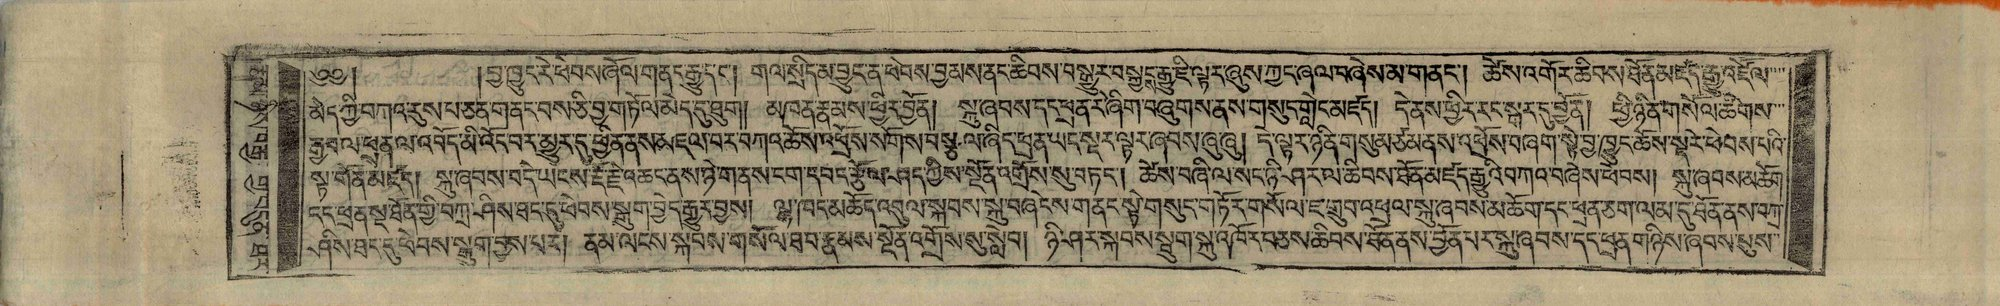༄༅། །བྱ་ཁྱུང་རེ་ཕེབས་ཞོལ་གནང་རྒྱུ་དང་། གལ་སྲིད་མ་བྱུང་ན་ཕེབས་བྱམས་ནང་ཆིབས་བསྒྱུར་བསྐྱངས་རྒྱུ་ཇི་ལྟར་ཞུས་ཀྱང་ཞལ་བཞེས་མ་གནང་། ཚེས་འགོར་ཆིབས་ཐོན་མཛད་རྒྱུ་འཛོལ་
མེད་ཀྱི་བཀའ་རུས་པ་ཅན་གནང་བས་ཅི་བྱ་གཏོལ་མེད་དུ་ཐུག །མཁན་རྣམས་ཕྱིར་བྱོན། སྐུ་ཞབས་དང་ཕྲན་རེ་ཞིག་བཞུགས་ནས་གསུང་གླེང་མཛད། དེ་ནས་ཕྱིར་རང་སྒར་དུ་བྱོན། ཕྱི་ཉིན་གསོལ་ཚིགས་
རྒྱབ་ལ་ཕྲན་ལ་འབོད་མི་འོང་བར་མྱུར་དུ་ཕྱིན་ནས་མཇལ་བར་བཀའ་ཆོས་འཕྲོས་སོགས་བསྩལ་ཞིང་ཕྲན་ཡང་སྔར་ལྟར་ཞབས་ཞུ་ཞུ། དེ་ལྟར་ཉིན་གསུམ་ཙམ་ནས་འཕྲོས་བཞག་སྟེ་བྱ་ཁྱུང་ཆོས་སྡེར་ཕེབས་པའི་
སྟ་གོན་མཛད། སྐུ་ཞབས་བདེ་ཡངས་རྡོ་རྗེ་འཆང་ནས་ཉེ་གནས་ངག་དབང་རྩོལ་ཤད་ཀྱིས་སྔོན་འགྲོས་སུ་བཏང་། ཚེས་བཞི་ལ་སང་ཉི་ཤར་ལ་ཆིབས་ཐོན་མཛད་རྒྱུའི་བཀའ་བཞེས་ཕེབས། སྐུ་ཞབས་མཆོག་
དང་ཕྲན་སྔ་ཐོན་གྱི་བཀྲ་ཤིས་ཐང་དུ་ཕེབས་སྒུག་བྱེད་རྒྱུན་བྱས། ལྷ་ཁང་མཆོད་འབུལ་སྐབས་སྐུ་བཞེངས་གནང་སྟེ་གསུང་གཏོར་གསོལ་ཇ་གྲུབ་འཕྲལ་སྐུ་ཞབས་མཆོག་དང་ཕྲན་ཅག་ལམ་དུ་ཐོན་ནས་བཀྲ་
ཤིས་ཐང་དུ་ཕེབས་སྒུག་བྱས་པར། ནམ་ལངས་སྐབས་གསོལ་ཐབ་རྣམས་སྔོན་འགྲོས་སུ་སླེབ། ཉི་ཤར་སྐབས་སྦུག་སྐུ་འཁོར་བཅས་ཆིབས་ཐོན་ནས་བྱོན་པར་སྐུ་ཞབས་དང་ཕྲན་གཉིས་ཞབས་པུས་